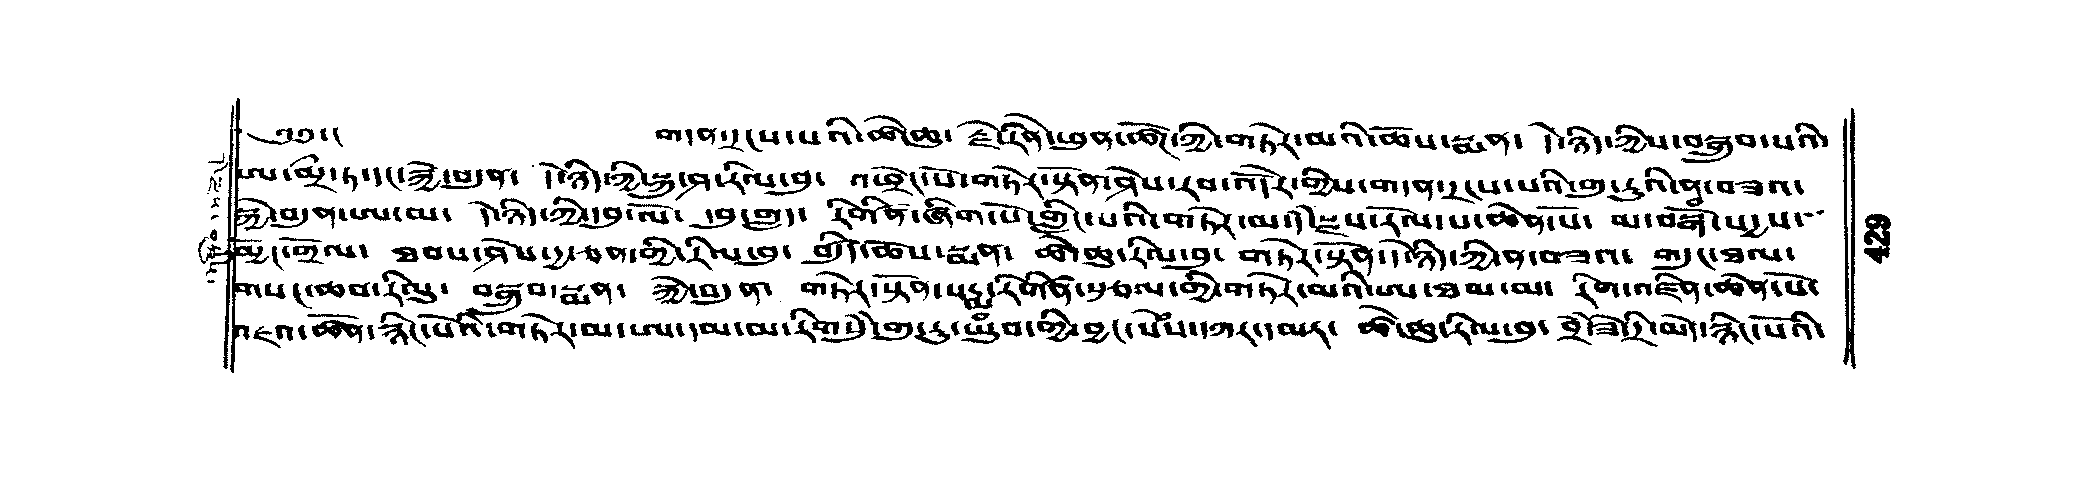གདན་དྲངས་པའི་ཚེ་ཆུ། རྗེ་རིན་པོ་ཆེ་ཕུན་ཚོགས་ཀྱི་གཏེར་མའི་ཆོས་སྨན། དེ་ཉིད་ཀྱིས་བསྒྲུབས་པའི་
ཨ་མྲྀ་ཏ་དང་སྐྱེ་བདུན། དེ་ཉིད་ཀྱི་སྐུ་ཤ་རིལ་བུ། འཕྲེང་པོ་གཏེར་སྟོན་ཤེས་རབ་འོད་ཟེར་གྱིས་གདན་དྲངས་པའི་གུ་རུའི་ན་བཟའ་
སྐྱེ་བདུན་ཨ་མ། དེ་ཉིད་ཀྱི་དབུ་ལོ། དབུ་ཀླད། རིག་འཛིན་ཞིག་པོ་གླིང་པའི་གཏེར་མ་དམ་རྫས་རོལ་པ་ཆེན་པོ། མ་བསྒོམ་སངས་རྒྱས་
མྱོང་གྲོལ། ཐབས་ཤེས་རྒྱ་ཅན་གྱི་རིལ་བུ། བདུད་རྩི་ཆོས་སྨན། ཚེ་ཆུ་རིལ་བུ། གཏེར་སྟོན་དེ་ཉིད་ཀྱི་ན་བཟའ། གདུང་ཐལ་
གསང་ཆབ་རིལ་བུ། སྒྲུབ་སྨན། སྐྱེ་བདུན། གཏེར་སྟོན་པདྨ་རིག་འཛིན་རྩལ་གྱི་གཏེར་མའི་ཨ་ཐམ་མ། རིག་འཛིན་ཆེན་པོ་
འཇའ་ཚོན་སྙིང་པོའི་གཏེར་མ་ཨ་དམ་མ་རིགས་གསུམ་གུ་རུ་ཡབ་ཡུམ་གྱི་བྱང་སེམས་དཀར་དམར། ཚེ་ཆུ་རིལ་བུ། བྲམ་ཟེ་དྲི་མེད་སྙིང་པོའི་